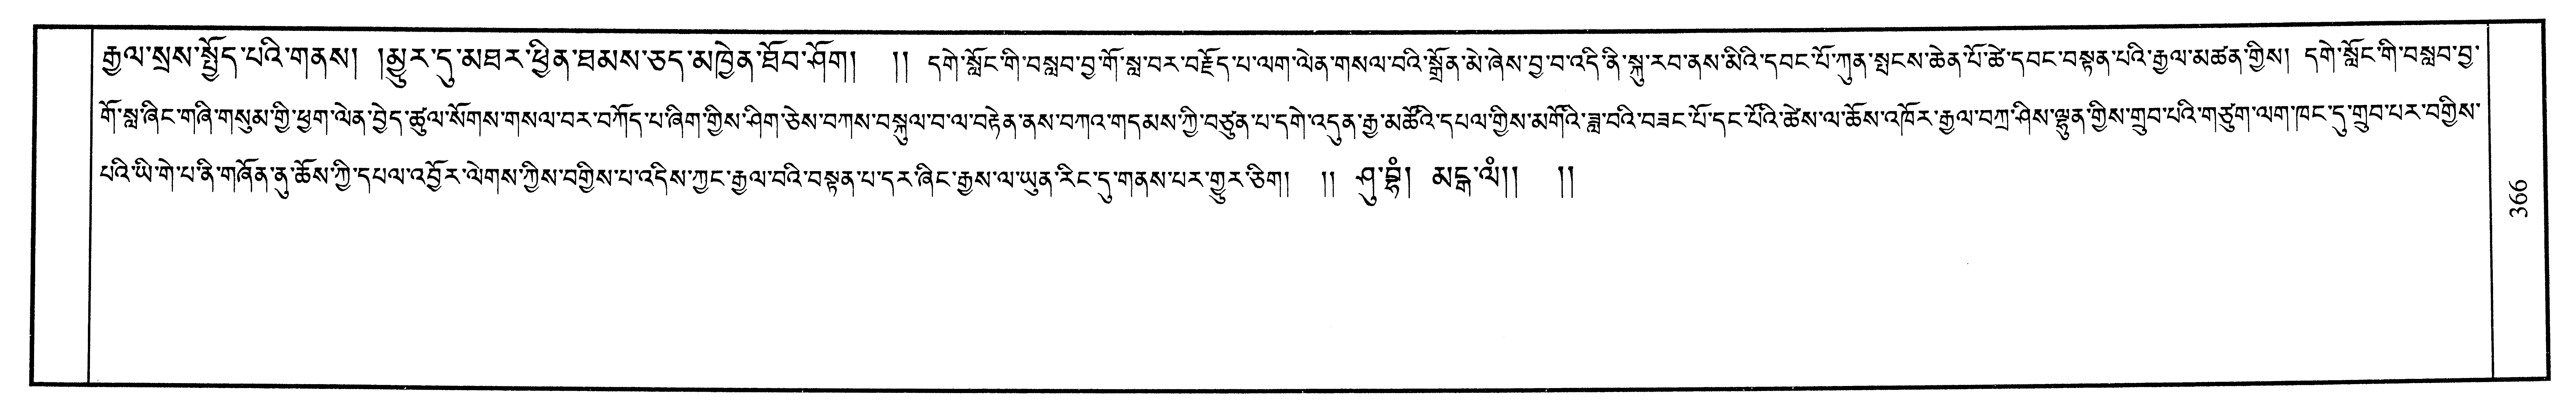རྒྱལ་སྲས་སྤྱོད་པའི་གནས། །མྱུར་དུ་མཐར་ཕྱིན་ཐམས་ཅད་མཁྱེན་ཐོབ་ཤོག། །།དགེ་སློང་གི་བསླབ་བྱ་གོ་སླ་བར་བརྗོད་པ་ལག་ལེན་གསལ་བའི་སྒྲོན་མེ་ཞེས་བྱ་བ་འདི་ནི་སྐུ་རབ་ནས་མིའི་དབང་པོ་ཀུན་སྤངས་པ་ཆེན་པོ་ཚེ་དབང་བསྟན་པའི་རྒྱལ་མཚན་གྱིས། དགེ་སློང་གི་བསླབ་བྱ་
གོ་སླ་ཞིང་གཞི་གསུམ་གྱི་ཕྱག་ལེན་བྱེད་ཚུལ་སོགས་གསལ་བར་བཀོད་པ་ཞིག་གྱིས་ཤིག་ཅེས་བཀས་བསྐུལ་བ་ལ་བརྟེན་ནས་བཀའ་གདམས་ཀྱི་བཙུན་པ་དགེ་འདུན་རྒྱ་མཚོའི་དཔལ་གྱིས་མགོའི་ཟླ་བའི་བཟང་པོ་དང་པོའི་ཚེས་ལ་ཆོས་འཁོར་རྒྱལ་བཀྲ་ཤིས་ལྷུན་གྱིས་གྲུབ་པའི་གཙུག་ལག་ཁང་དུ་གྲུབ་པར་བགྱིས་
པའི་ཡི་གེ་པ་ནི་གཞོན་ནུ་ཆོས་ཀྱི་དཔལ་འབྱོར་ལེགས་ཀྱིས་བགྱིས་པ་འདིས་ཀྱང་རྒྱལ་བའི་བསྟན་པ་དར་ཞིང་རྒྱས་ལ་ཡུན་རིང་དུ་གནས་པར་གྱུར་ཅིག། །།ཤུ་བྷཾ། མངྒ་ལཾ།། །།